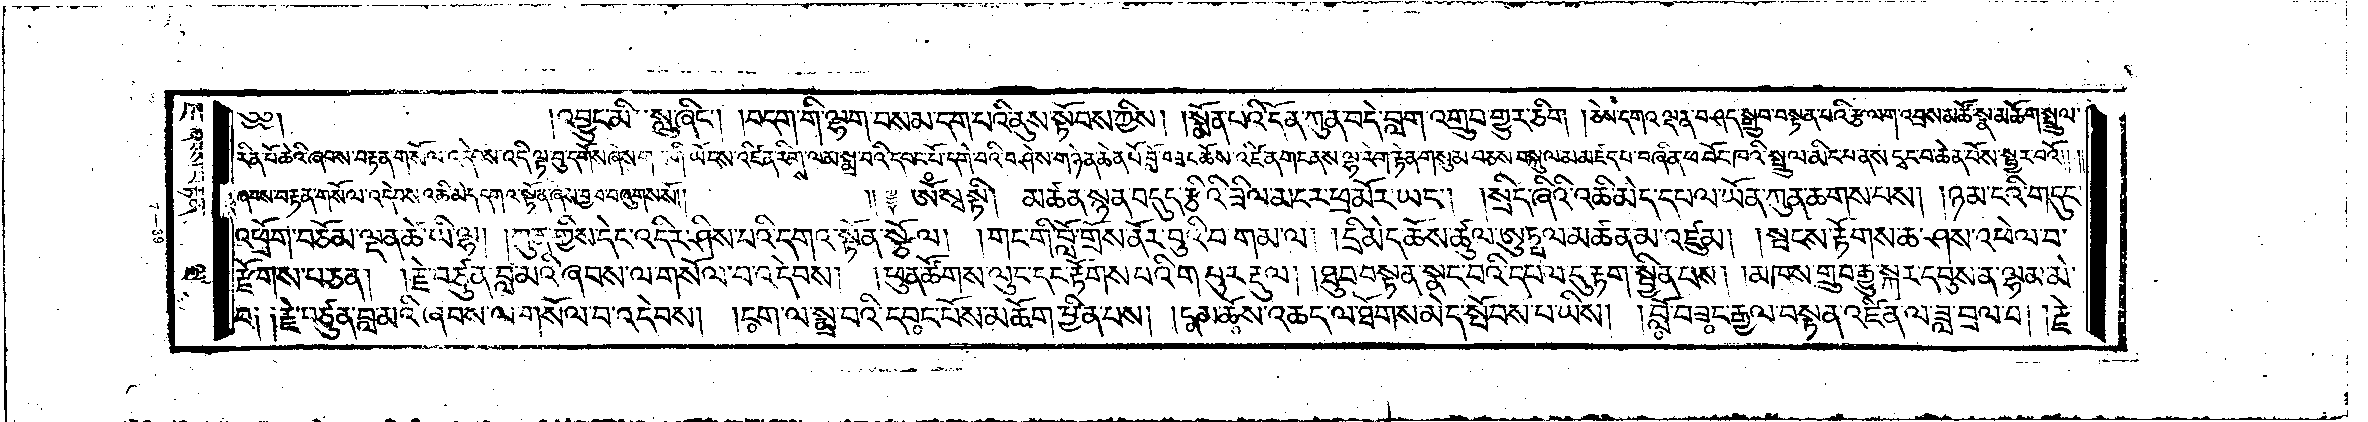༄༅། །འབྱུང་མི་བསླུ་ཞིང་། །བདག་གི་ལྷག་བསམ་དག་པའི་ནུས་སྟོབས་ཀྱིས། །སྨོན་པའི་དོན་ཀུན་བདེ་བླག་འགྲུབ་གྱུར་ཅིག །ཅེས་དགའ་ལྡན་བཤད་སྒྲུབ་བསྟན་པའི་རྩ་ལག་འབྲས་མཚོ་སྣ་མཆོག་སྤྲུལ་
རིན་པོ་ཆེའི་ཞབས་བརྟན་གསོལ་འདེབས་འདི་ལྟ་བུ་དགོས་ཞེས་གང་གི་ཡོངས་འཛིན་རིགས་ལམ་སྨྲ་བའི་དབང་པོ་དགེ་བའི་བཤེས་གཉེན་ཆེན་པོ་བློ་བཟང་ཆོས་འཛིན་གང་ནས་ལྷ་རེག་རྟེན་གསུམ་བཅས་བསྐུལ་མ་མཛད་པ་བཞིན་ཕ་བོང་ཁའི་སྤྲུལ་མིང་པ་ནས་དྲང་བ་ཆེན་པོས་སྦྱར་བའོ།། །།
༈ ཞབས་བརྟན་གསོལ་འདེབས་འཆི་མེད་དགའ་སྟོན་ཞེས་བྱ་བ་བཞུགས་སོ།། །། ༈ ཨོཾ་སྭ་སྟི། མཚན་སྙན་བདུད་རྩིའི་ཟིལ་མངར་ཕྲ་མོར་ཡང་། །སྲིད་ཞིའི་འཆི་མེད་དཔལ་ཡོན་ཀུན་ཆགས་པས། །ཉམ་ངའི་གདུང་
འཕྲོག་བཅོམ་ལྡན་ཚེ་ཡི་ལྷ། །ཀུན་གྱིས་དེང་འདིར་ཤིས་པའི་དགའ་སྟོན་སྩོལ། །གང་གི་བློ་གྲོས་ནོར་བུའི་བ་གམ་ལ། །དྲི་མེད་ཆོ་ཚུལ་ཨུཏྤལ་མཚན་མ་འཛུམ། །སྤངས་རྟོགས་ཆ་ཤས་འཕེལ་བ་
རྫོགས་པ་ཅན། །རྗེ་བཙུན་བླ་མའི་ཞབས་ལ་གསོལ་བ་འདེབས། །ཕུན་ཚོགས་ལུང་དང་རྟོགས་པའི་ག་པུར་རྡུལ། །ཐུབ་བསྟན་སྣང་བའི་དཔལ་དུ་རྟག་སྦྱིན་པས། །མཁས་གྲུབ་རྒྱུ་སྐར་དབུས་ན་ལྷམ་མེ་
བ༑ ༑རྗེ་བཙུན་བླ་མའི་ཞབས་ལ་གསོལ་བ་འདེབས། །ངག་ལ་སྨྲ་བའི་དབང་པོས་མཆོག་བྱིན་པས། །དམ་ཚིག་འཆད་ལ་ཐོགས་མེད་སྤོབས་པ་ཡིས། །བློ་བཟང་རྒྱལ་བསྟན་འཛིན་ལ་ཟླ་བྲལ་བ། །རྗེ་